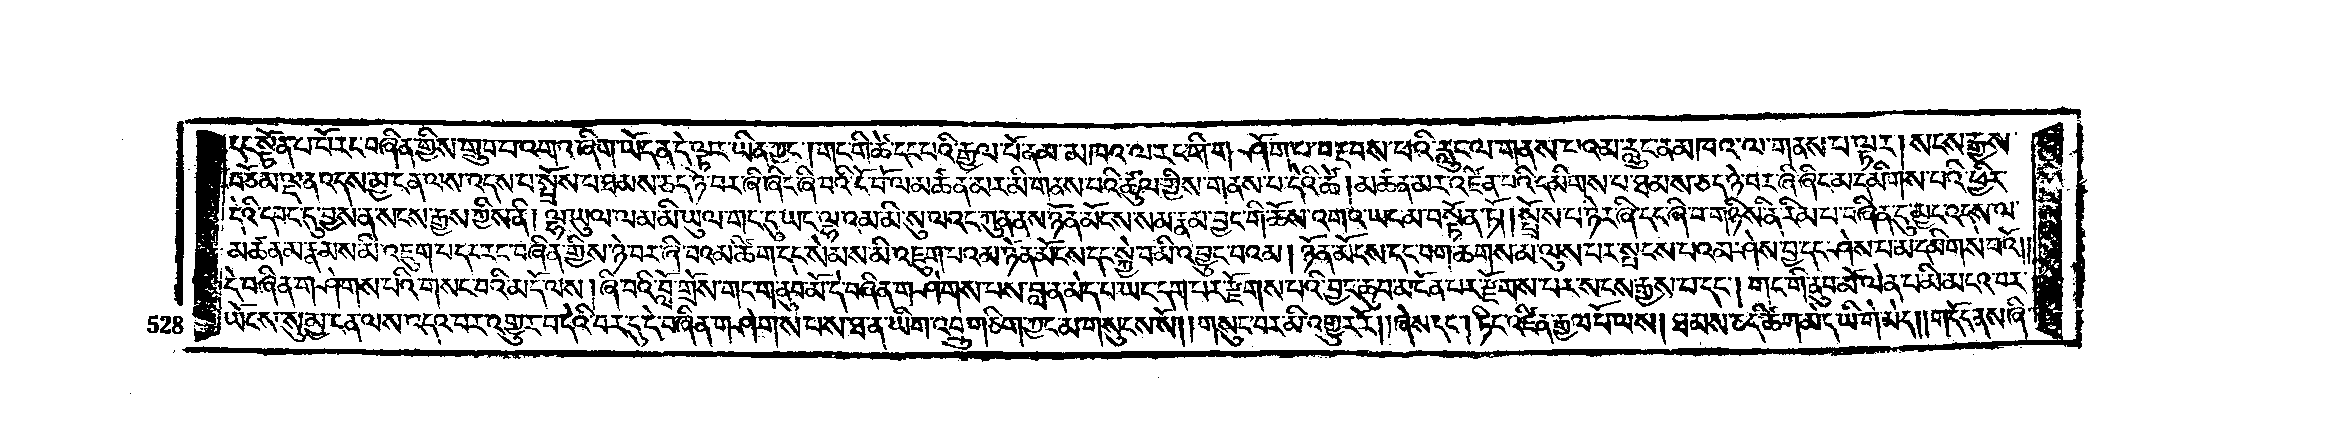དང་སྟོན་པ་པོ་རང་བཞིན་གྱིས་གྲུབ་པ་འགའ་ཞིག་ཡོད་ན་དེ་ལྟར་ཡིན་ཀྱང་། གང་གི་ཚེ་དང་པའི་རྒྱལ་པོ་ནམ་མཁའ་ལ་རང་གི་གཤོག་པ་བརྡབས་པའི་རླུང་ལ་གནས་པའམ་རླུང་ནམཁའ་ལ་གནས་པ་ལྟར། སངས་རྒྱས་
བཅོམ་ལྡན་འདས་མྱ་ངན་ལས་འདས་པ་སྤྲོས་པ་ཐམས་ཅད་ཉེ་བར་ཞི་ཞིང་ཞི་བའི་ངོ་བོ་ལ་མཚན་མར་མི་གནས་པའི་ཚུལ་གྱིས་གནས་པ་དེའི་ཚེ། མཚན་མར་འཛིན་པའི་དམིགས་པ་ཐམས་ཅད་ཉེ་བར་ཞི་ཞིང་མ་དམིགས་པའི་ཕྱིར་
དེའི་དབང་དུ་བྱས་ན་སངས་རྒྱས་ཀྱིས་ནི། ལྷ་ཡུལ་ལམ་མི་ཡུལ་གང་དུ་ཡང་ལྷའམ་མི་སུ་ལའང་ཀུན་ནས་ཉོན་མོངས་སམ་རྣམ་བྱང་གི་ཆོས་འགའ་ཡང་མ་བསྟན་ཏེ། །སྤྲོས་པ་ཉེར་ཞི་དང་ཞི་བ་གཉིས་ནི་རིམ་པ་བཞིན་དུ་མྱང་འདས་ལ་
མཚན་མ་རྣམས་མི་འཇུག་པ་དང་རང་བཞིན་གྱིས་ཉེ་བར་ཞི་བའམ་ཚིག་དང་སེམས་མི་འཇུག་པའམ་ཉོན་མོངས་དང་སྐྱེ་བ་མི་འ་བྱུང་བའམ། ཉོན་མོངས་དང་བག་ཆགས་མ་ལུས་པར་སྤངས་པའམ་ཤེས་བྱ་དང་ཤེས་པ་མ་དམིགས་པའོ། །
དེ་བཞིན་གཤེགས་པའི་གསང་བའི་མདོ་ལས། ཞི་བའི་བློ་གྲོས་གང་གི་ནུབ་མོ་དེ་བཞིང་ཤེགས་པས་བླ་ན་མེད་པ་ཡང་དག་པར་རྫོགས་པའི་བྱང་ཆུབ་མངོན་པར་རྫོགས་པར་སངས་རྒྱས་པ་དང་། གང་གི་ནུབ་མོ་ལེན་པ་མི་མངའ་བར་
ཡོངས་སུ་མྱ་ངན་ལས་འདའ་བར་འགྱུར་བ་དེའི་བར་དུ་དེ་བཞིན་གཤེགས་པས་ཐ་ན་ཡིག་འབྲུ་གཅིག་ཀྱང་མ་གསུངས་སོ། །གསུང་བར་མི་འགྱུར་རོ། །ཞེས་དང་། ཏིང་འཛིན་རྒྱལ་པོ་ལས། ཐམས་ཅད་ཚིག་མེད་ཡི་གེ་མེད། །གདོད་ནས་ཞི་